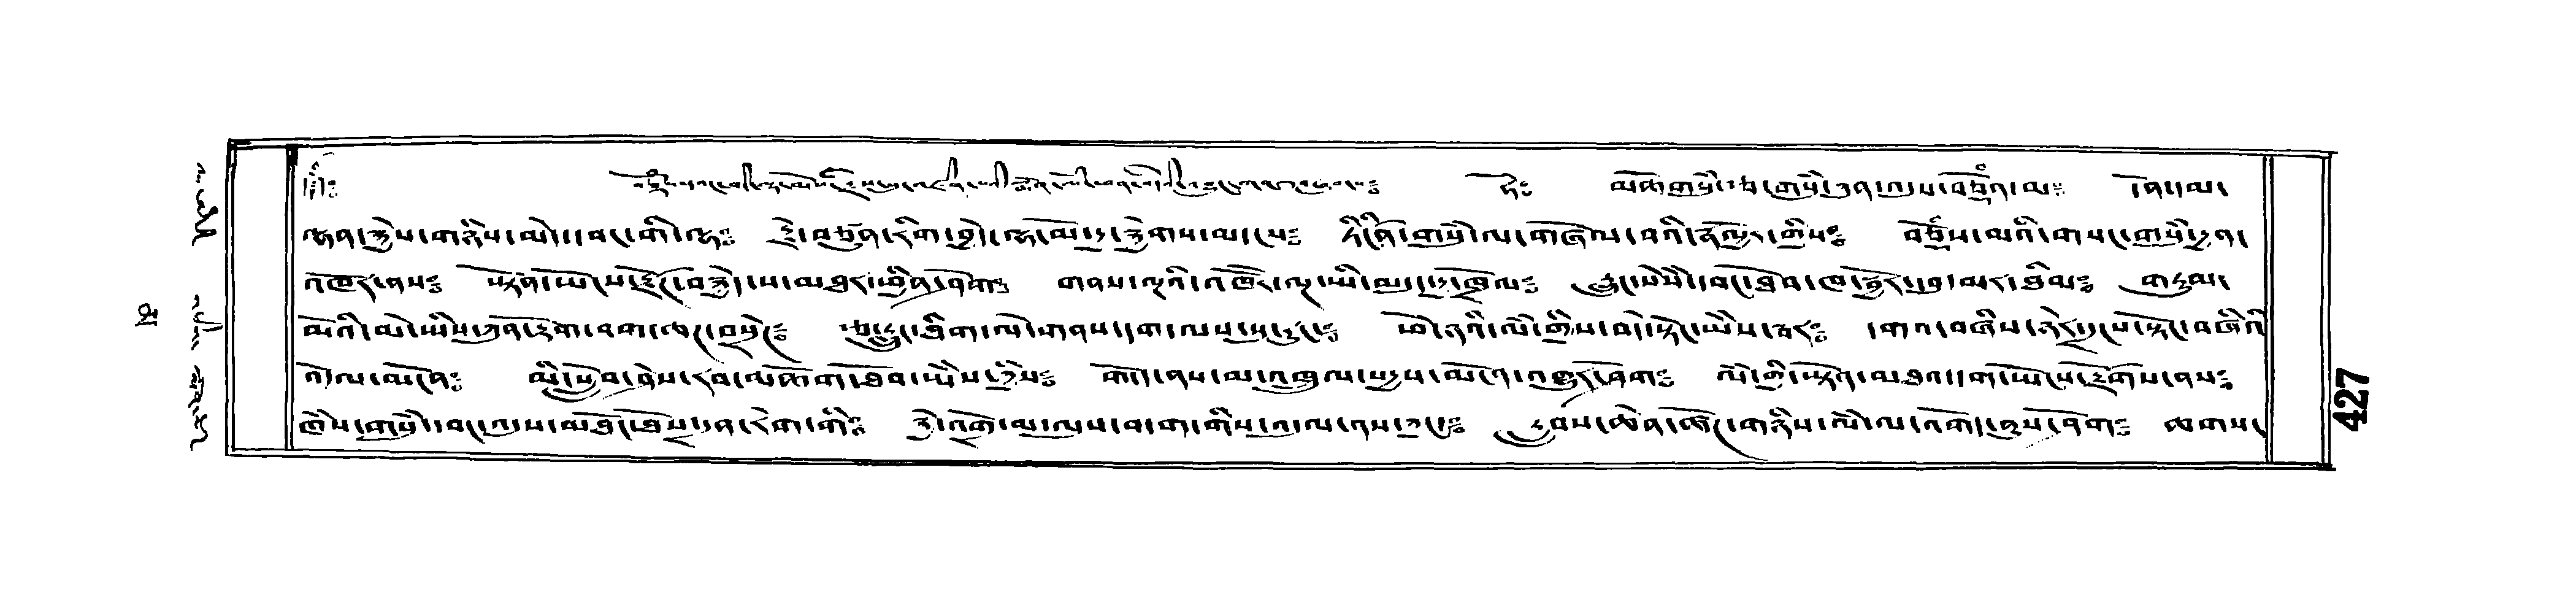བཅོམ་ལྡན་དབང་གི་ལྷ་མོས་རྗེས་སུ་འཛིན་པའི་སྨོན་ལམ་ཕན་བདེའི་འབྱུང་གནས་བཞུགས༔ ཧོཿ མཆོག་གསུམ་རྩ་གསུམ་ཀུན་འདུས་བཅོམ་ལྡན་མ༔ དོན་དམ་
ལྷན་སྐྱེས་གཉིས་མེད་དབང་གི་ལྷ༔ རྗེ་བཙུན་རིག་བྱེད་ལྷ་མོ་རྒྱ་སྐྱེགས་མདངས༔ ཏིང་འཛིན་གསུམ་ལ་གཞོལ་བའི་རྣལ་འབྱོར་གྱིས༔ བཅོམ་ལྡན་མ་ཡི་གསང་གསུམ་རྒྱན་
འཁོར་ནས༔ ཡོན་ཏན་ཡོངས་རྫོགས་བསྐྱེད་པ་མཐར་ཕྱིན་ཤོག༔ གནས་ལྔའི་འཁོར་ལོ་ལྔ་ཡི་མདུད་རྒྱ་ཁྲོལ༔ རླུང་སེམས་དབང་ཐོབ་ཁ་སྦྱོར་དབུ་མར་ཐིམ༔ གཏུམ་
མོའི་མེ་ཡིས་ཀུན་རྟོག་བག་ཆགས་བསྲེགས༔ རྩ་རླུང་ཐིག་ལེ་གནས་དག་ལས་སུ་རུང༔ ཕོ་ཉའི་ལམ་གྱིས་བདེ་སྟོང་ཡེ་ཤེས་སྦར༔ དགའ་བཞིས་ཉེར་དྲངས་སྟོང་བཞིའི་
འོད་གསལ་མངོན༔ མི་སློབ་ཤེས་རབ་མཆོག་ཐོབ་ཡེ་ཤེས་ཀྱིས༔ གདོད་ནས་མ་འཁྲུལ་སངས་རྒྱས་མངོན་འགྱུར་ཤོག༔ ལམ་གྱི་ཡོན་ཏན་མཐའ་དག་ཡོངས་རྫོགས་ནས༔ 
ཁམས་གསུམ་དབང་འདུས་མཐོང་ཐོས་དྲན་རེག་གི༔ སྐྱེ་འགྲོ་མ་ལུས་བདག་གིས་འདུལ་ནས་ཀྱང༔ རླབས་ཆེན་ཚོགས་གཉིས་ལམ་ལ་འགོད་ནུས་ཤོག༔ ཆགས་